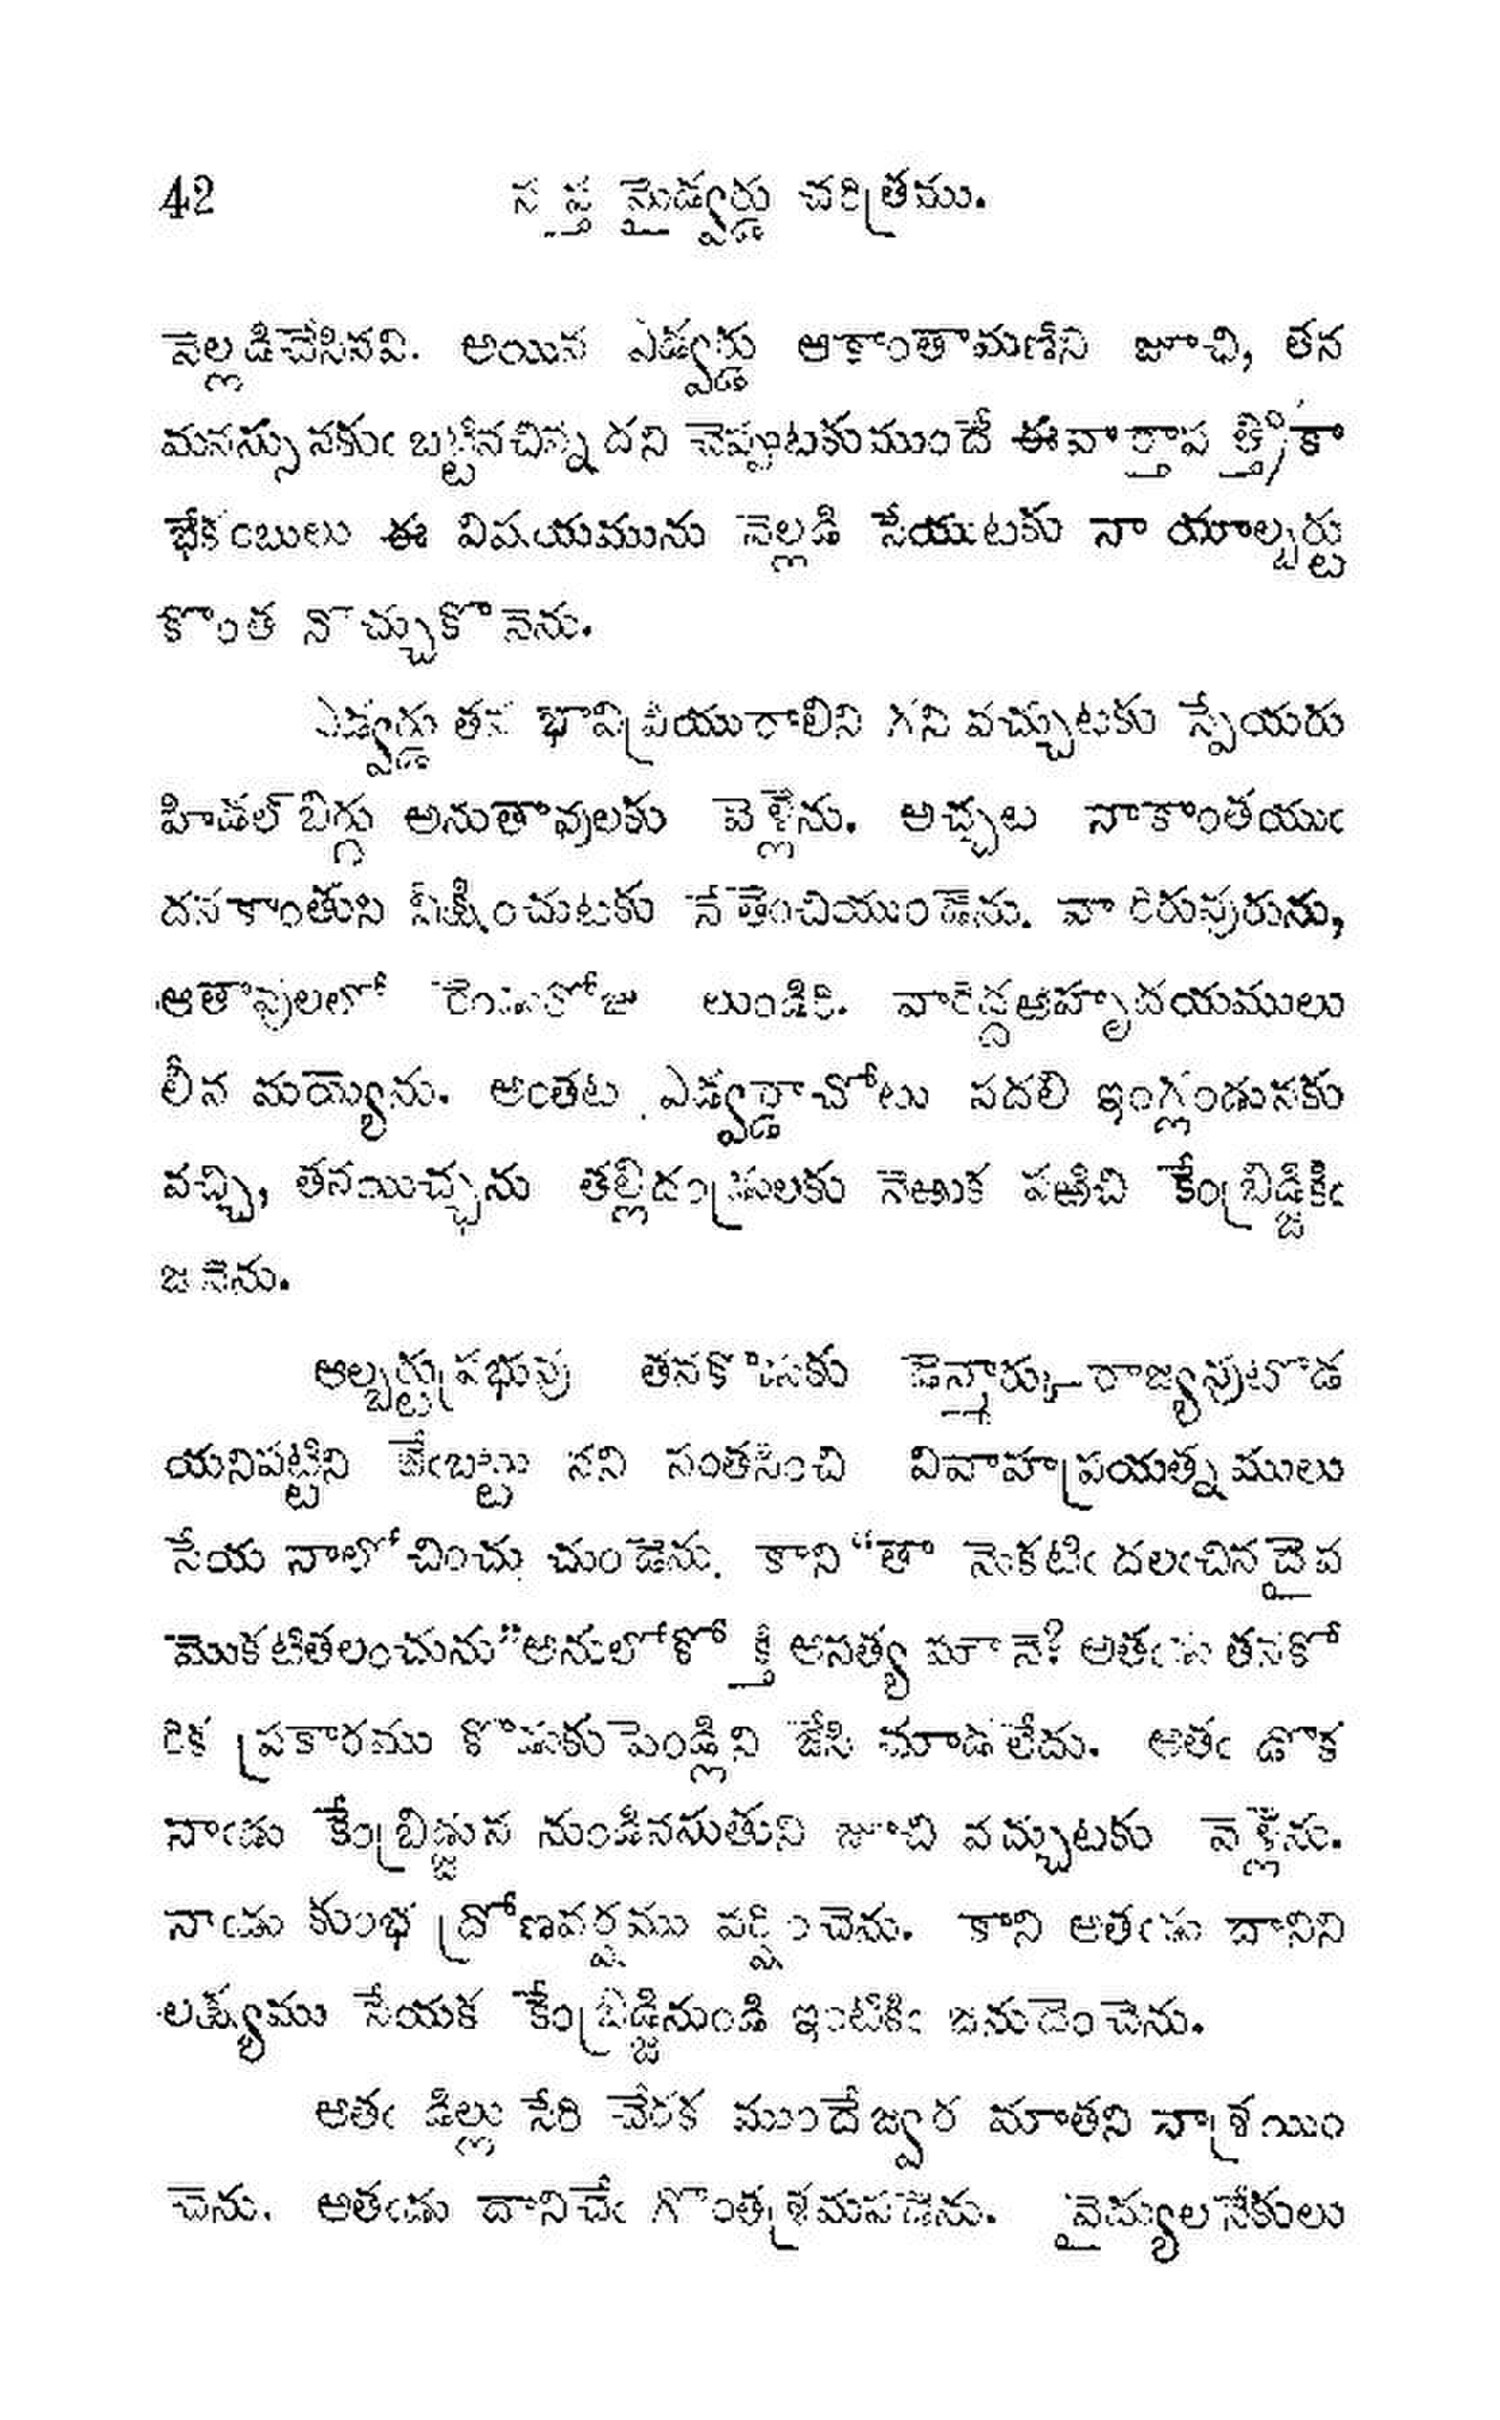వెల్లడి చేసినవి.. అయిన ఎడ్వర్డు ఆకాంతామణిని జూచి, తన మనస్సు నకుఁ బట్టినచిన్నదని చెప్పుటకు ముందే ఈ వార్తాపత్రికా భేకంబులు ఈ విషయమును నెల్లడి సేయుటకు నా యల్బర్టు
కొంత నొచ్చుకొనెను.

ఎడ్వర్లు తన భావి ప్రియురాలిని గని వచ్చుటకు స్పేయరు హిడల్ బిగ్గు అనుతావులకు వెళ్లెను. అచ్చట నాకాంతయుఁదస కాంతుని వీక్షించుటకు నే తేచియుండెను. వారిరువురును,
ఆతావులలో "రెండురోజులు... వారిద్దఱి హృదయములు లీన మయ్యెను. అంతట ఎడ్వర్డాచోటు వదలి ఇంగ్లండునకువచ్చి, తన యిచ్ఛను తల్లిదండ్రులకు నెఱుక పజిచి కేంబ్రిడ్జి కి
జనెను.

ఆల్బర్టు ప్రభువు తన కొడుకు డెన్మార్కు రాజ్యపు టోడయనిపట్టిని జేబట్టు సని సంతసించి వివాహ ప్రయత్నములుసేయ నాలోచించు చుండెను. కాని “తా నొకటిఁ దలఁచిన దైవమొకటి తలంచును" అనులోకోక్తి ఆసత్య మౌ నె? అతడు తనకోరిక ప్రకారము కొడుకు పెండ్లిని "జేసి చూడ లేదు. అతఁ డొకనాఁడు కేంబ్రిడ్జున నుండిన సుతుని జూచి వచ్చుటకు వెళ్లెను.నాడు కేంబ్రిడ్జిన ద్రోణవర్షము వర్షిం చెను. కాని అతఁడు దానిని లక్ష్యము సేయక కేంబ్రిడ్జినుండి ఇంటికిఁ జనుదెంచెను.
అతఁడిల్లు సేరి చేరక ముందే జ్వర మాతని నాశ్రయించెను. అతఁడు దానిచే గొంతు శ్రమ పడెను. వైద్యుల నేకులు